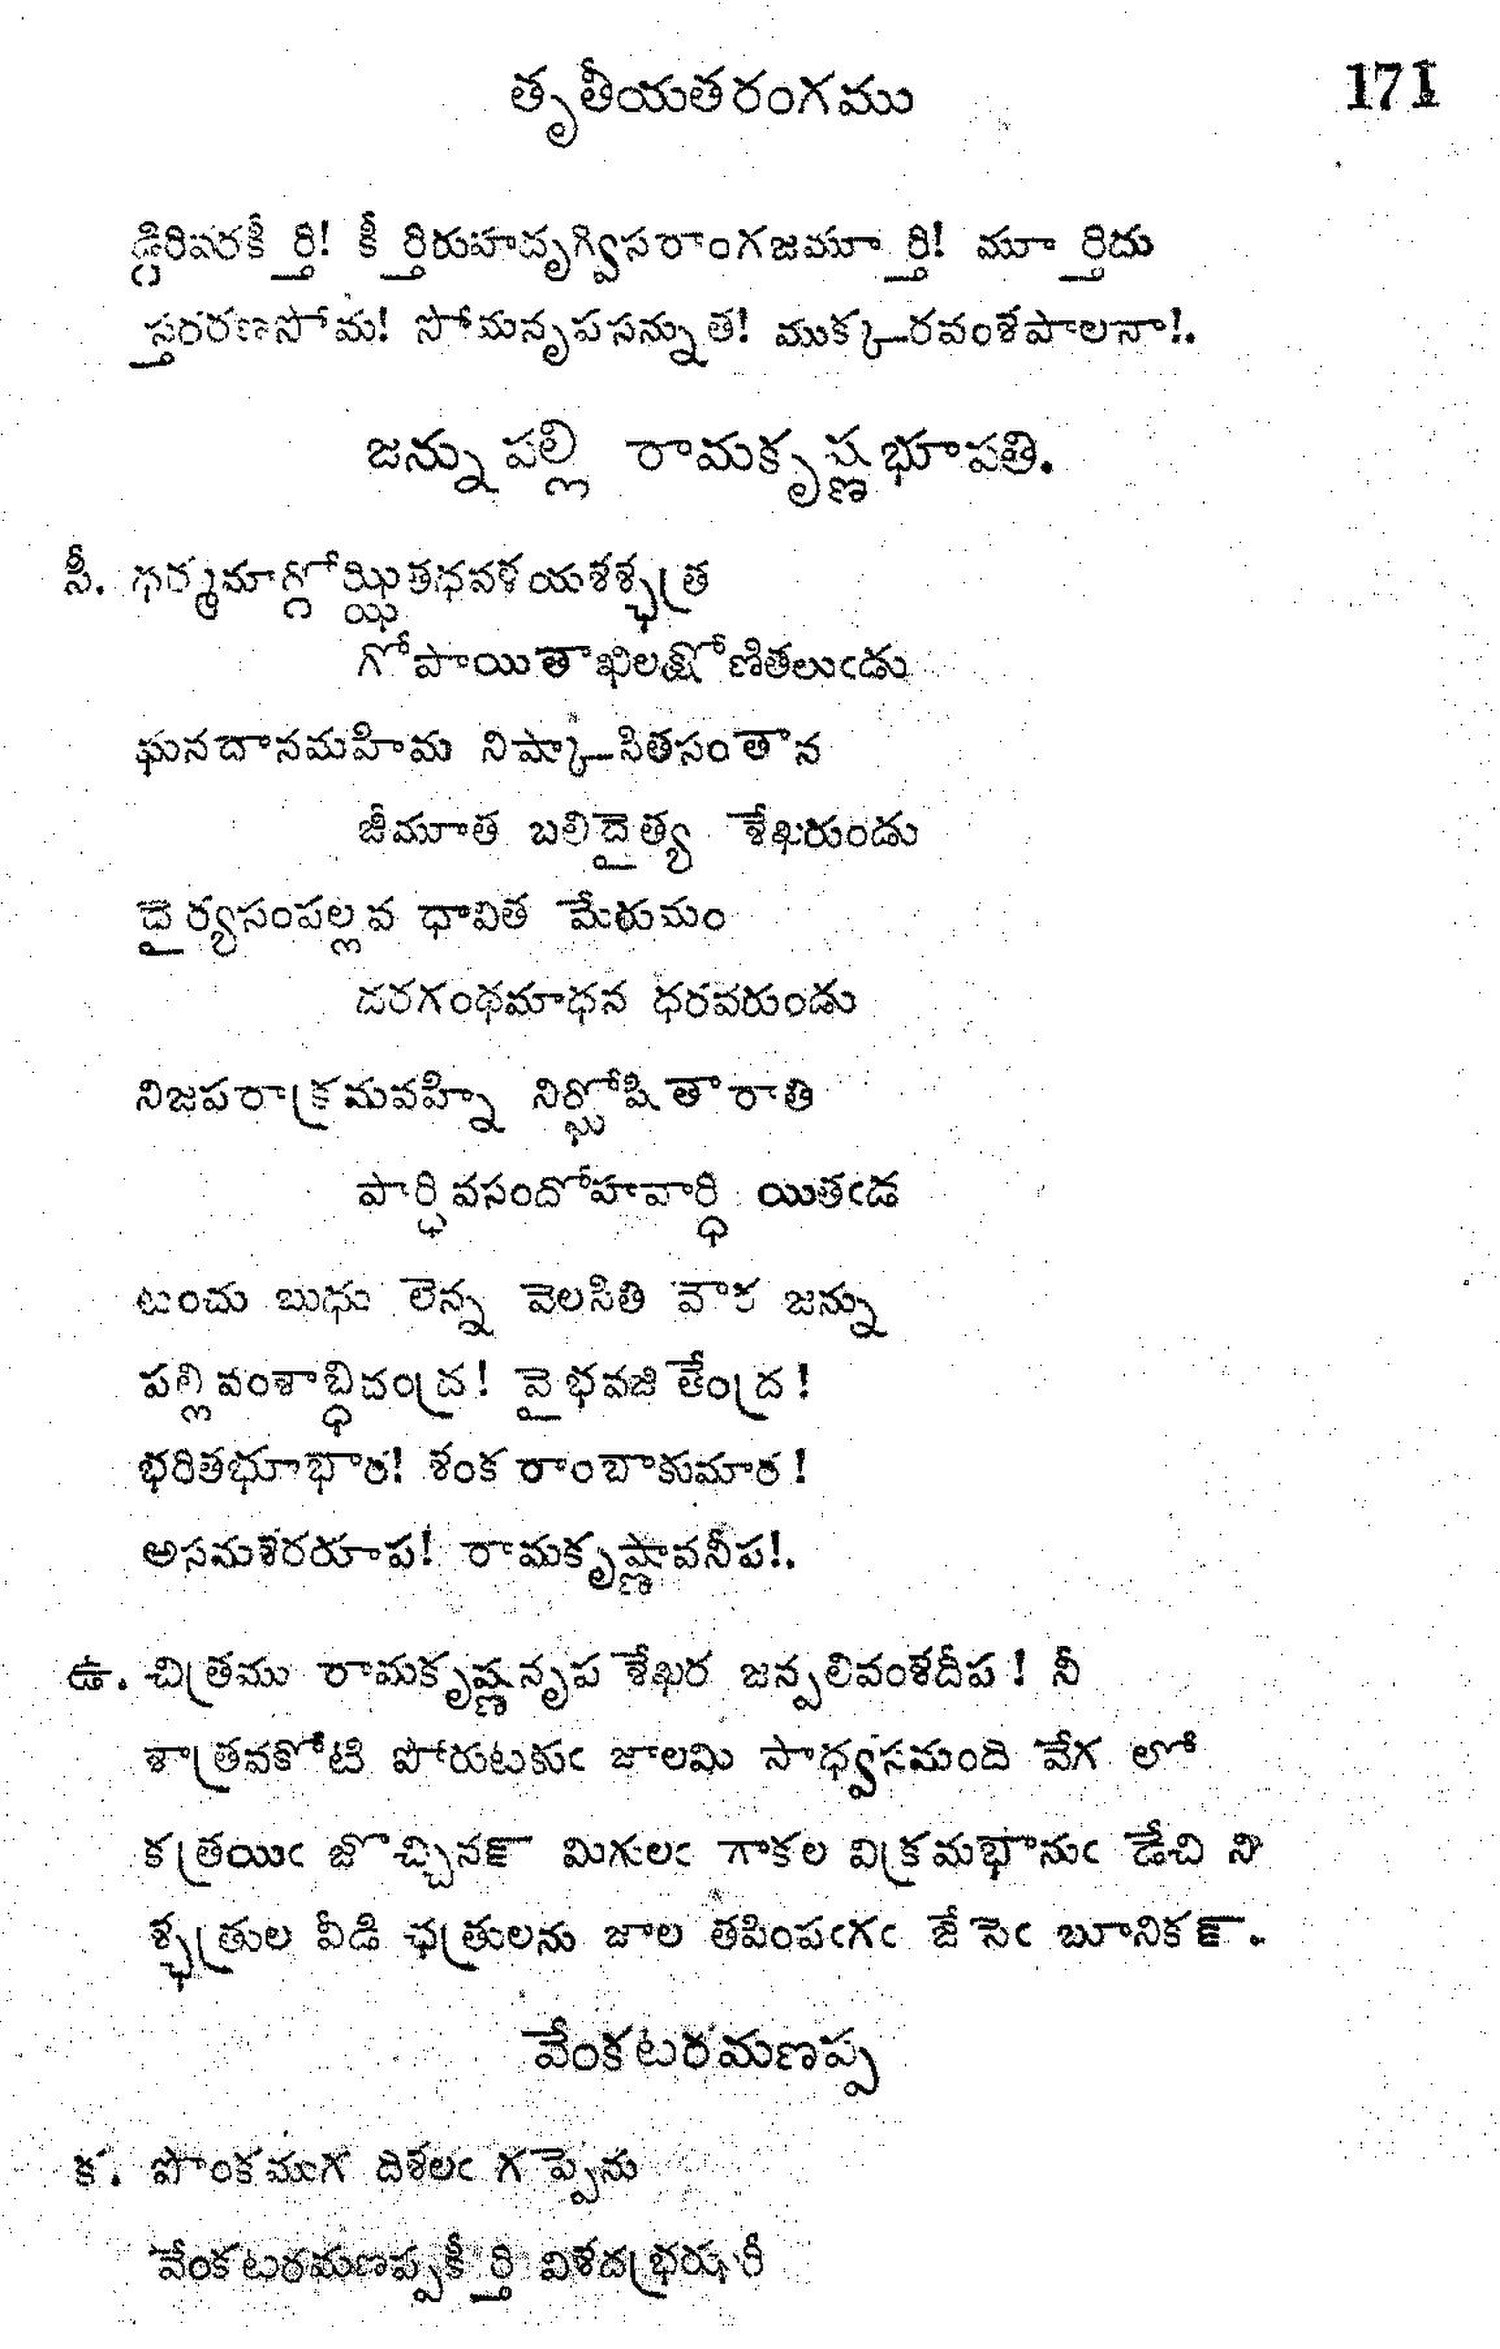డ్గిరివరకీర్తి! కీర్తిరుహదృగ్వసరాంగజమూర్తి! మూర్తిదు
 స్తరరణసోమ! సోమనృపసన్నుత! ముక్కరవంశపాలనా!

సీ. ధర్మమార్గోఝ్ఝితధవళయశశ్ఛత్ర
 గోపాయితాఖిలక్షోణితలుఁడు
 ఘనదానమహిమ నిష్కాసితసంతాన
 జీమూతబలిదైత్యశేఖరుండు
 ధైర్యసంపల్లవధావితమేరుమం
 దరగంధమాదనధరవరుండు
 నిజపరాక్రమవహ్ని నిర్ఘోషితారాతి
 పార్థివసందోహవార్ధి యితఁడ
 టంచు బుధు లెన్న వెలసితి వౌర జన్ను
 పల్లివంశాబ్ధిచంద్ర! వైభవజితేంద్ర!
 భరితభూభార! శంకారాంబాకుమార!
 అసమశరరూప! రామకృష్ణావనీప!

ఉ. చిత్రము రామకృష్ణనృపశేఖర జన్పలివంశదీప! నీ
 శాత్రవకోటి పోరుటకుఁ జాలమి సాధ్వసమంది వేగ లో
 కత్రయిఁ జొచ్చినన్ మిగులఁ గాకల విక్రమభానుఁ డేచి ని
 శ్ఛత్రుల వీడి ఛత్రులను జాల తపింపఁగఁ జేసెఁ బూనికన్.

క. పొంకముగ దిశలఁ గప్పెను
 వేంకటరమణప్పకీర్తి విశదభ్రఝరీ